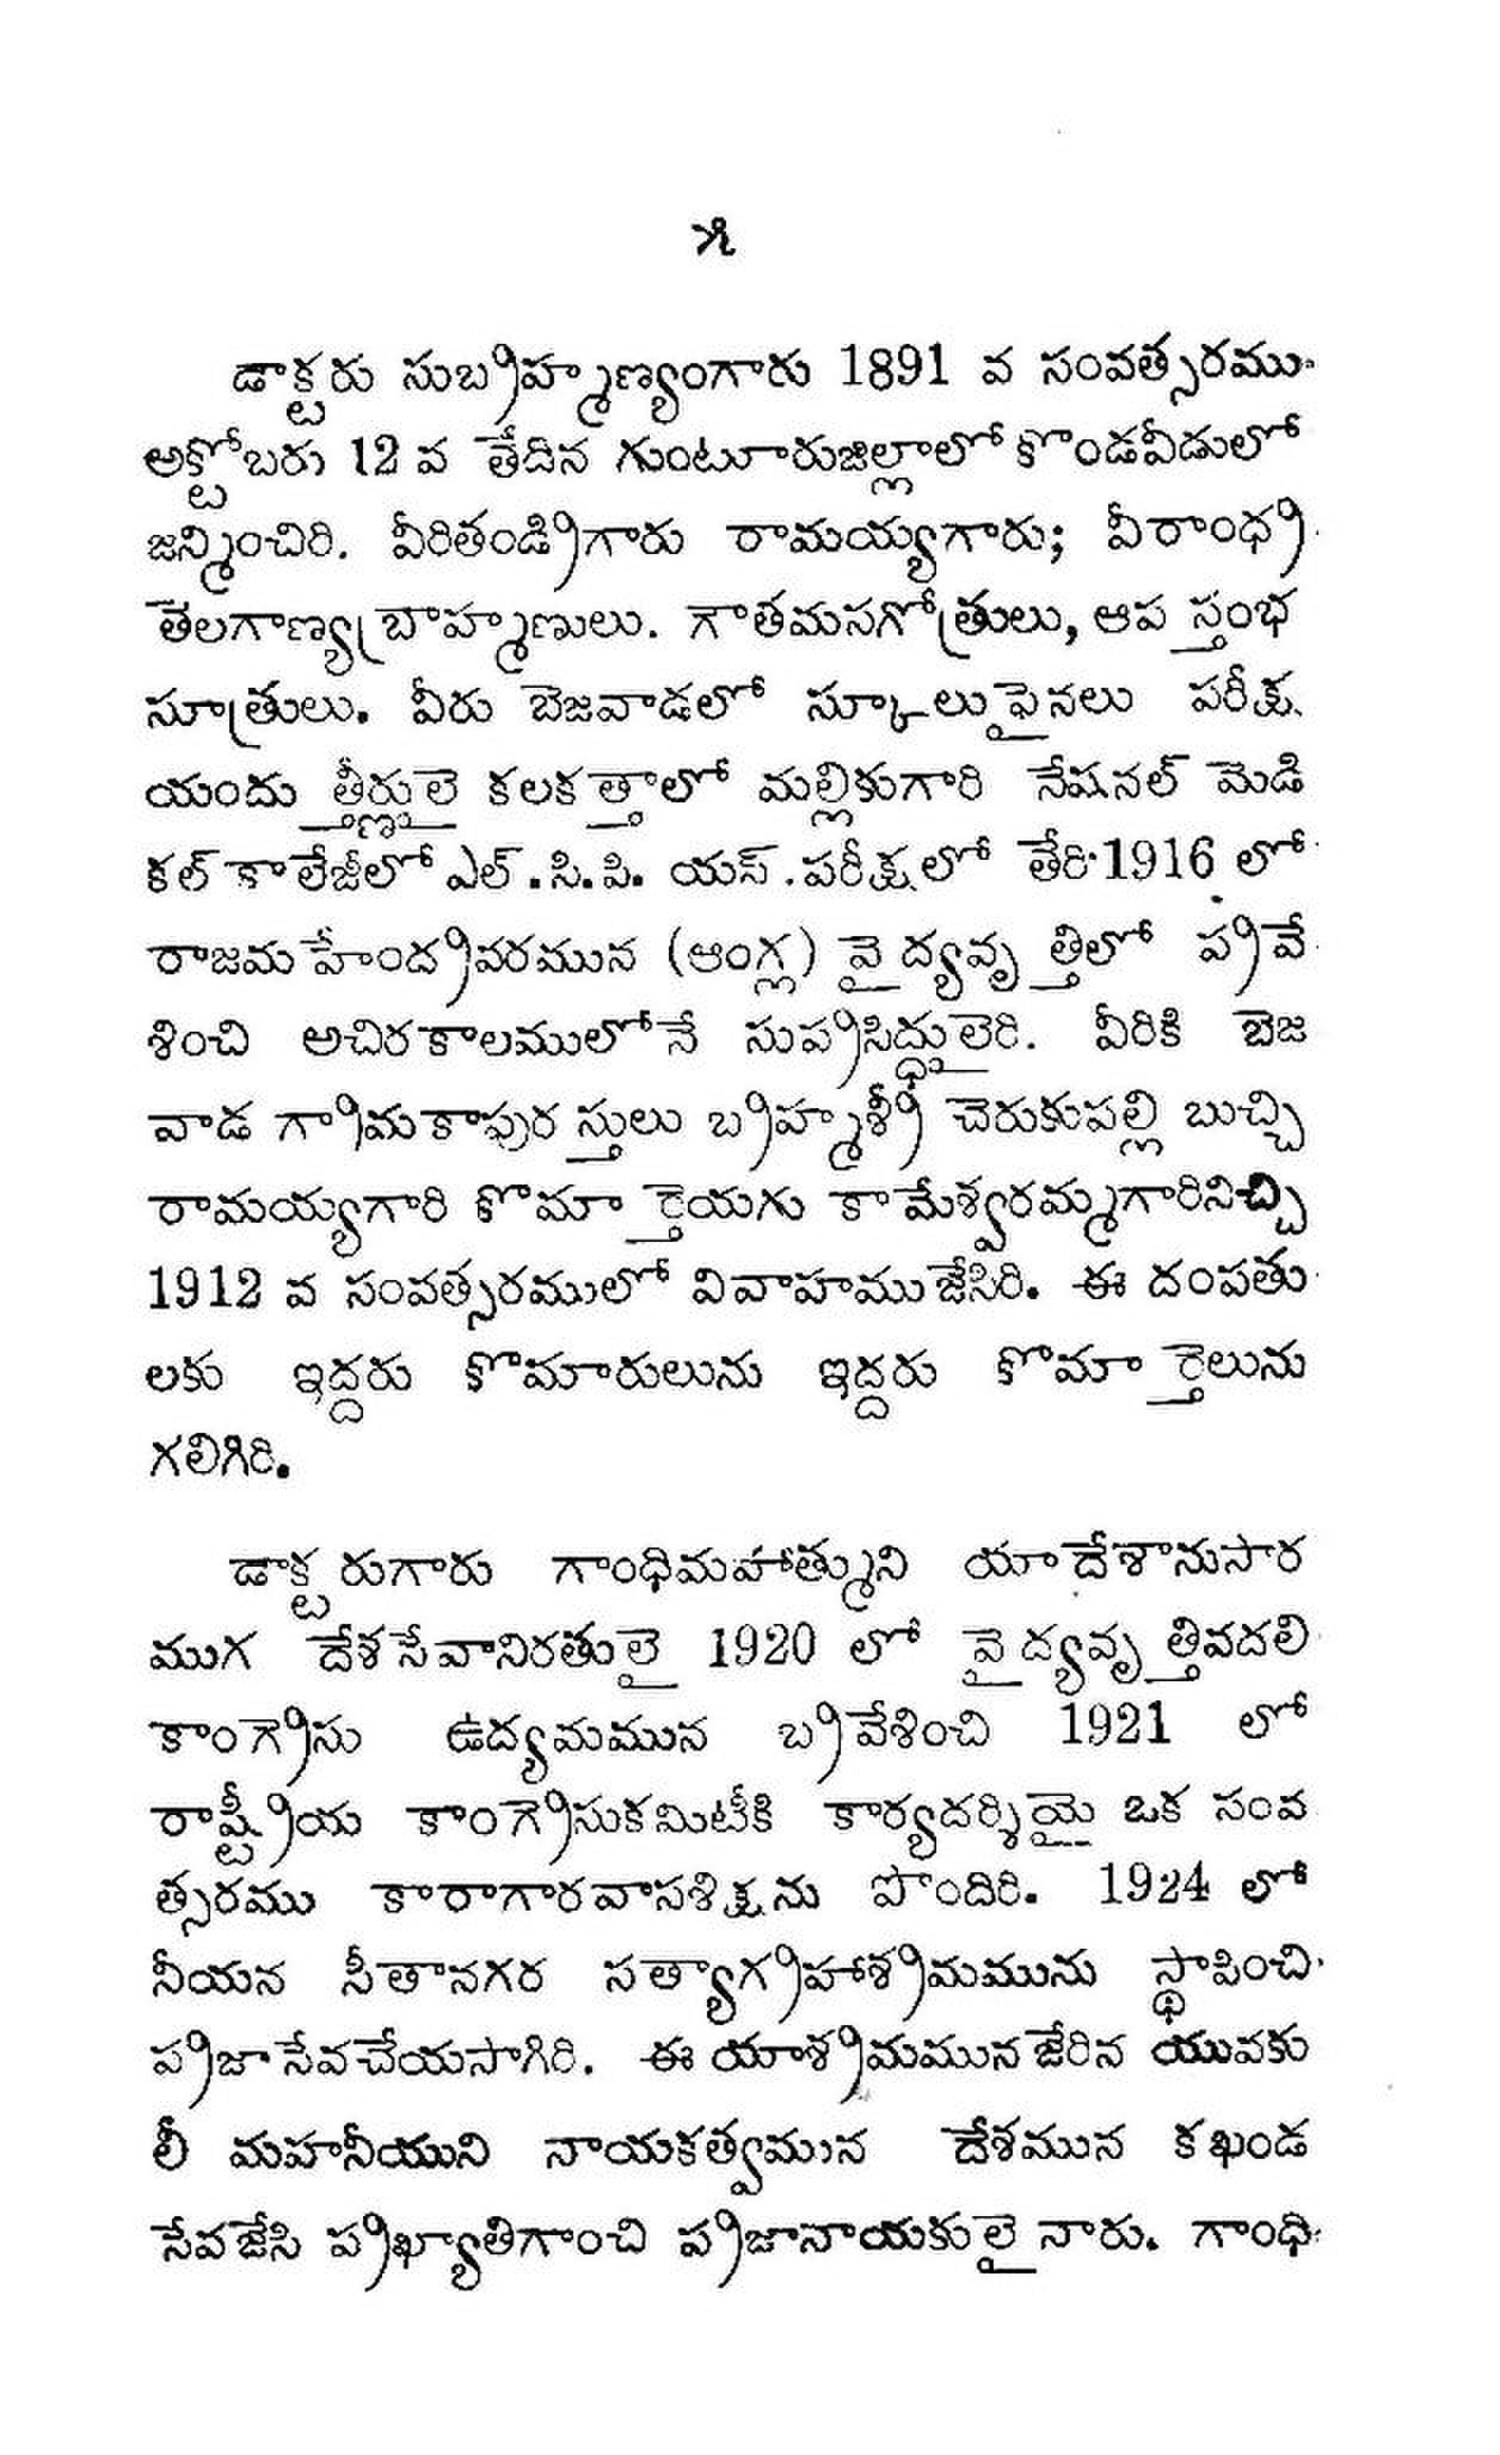డాక్టరు సుబ్రహ్మణ్యంగారు 1891 వ సంవత్సరము అక్టోబరు 12 వ తేదీన గుంటూరుజిల్లాలో కొండవీడులో జన్మించిరి. వీరితండ్రిగారు రామయ్యగారు; వీరాంధ్ర తెలగాణ్య బ్రాహ్మణులు. గౌతమసగోత్రులు, ఆపస్తంభ సూత్రులు. వీరు బెజవాడలో స్కూలుఫైనలు పరీక్షయందు త్తీర్ణులై కలకత్తాలో మల్లికుగారి నేషనల్ మెడికల్ కాలేజీలో ఎల్. సి .పి. యస్ . పరీక్షలో తేరి 1916 లో రాజమహేంద్రవరమున (ఆంగ్ల) వైద్యవృత్తిలో ప్రవేశించి అచిరకాలములోనే సుప్రసిద్ధులైరి. వీరికి బెజవాడ గ్రామకాపురస్తులు బ్రహ్మశ్రీ చెరుకుపల్లి బుచ్చిరామయ్యగారి కొమార్తెయగు కామేశ్వరమ్మగారినిచ్చి 1912 వ సంవత్సరములో వివాహముజేసిరి. ఈ దంపతులకు ఇద్దరు కొమారులును ఇద్దరు కొమార్తెలును గలిగిరి.

డాక్టరుగారు గాంధిమహాత్ముని యాదేశానుసారముగ దేశసేవానిరతులై 1920 లో వైద్యవృత్తివదలి కాంగ్రెసు ఉద్యమమున బ్రవేశించి 1921 లో రాష్ట్రీయ కాంగ్రెసుకమిటీకి కార్యదర్శియై ఒక సంవత్సరము కారాగారవాసశిక్షను పొందిరి. 1924 లో
నీయన సీతానగర సత్యాగ్రహాశ్రమమును స్థాపించి, ప్రజాసేవచేయసాగిరి. ఈ యాశ్రమమునజేరిన యువకు లీ మహనీయుని నాయకత్వమున దేశమున కఖండ సేవజేసి ప్రఖ్యాతిగాంచి ప్రజానాయకులైనారు. గాంధి,